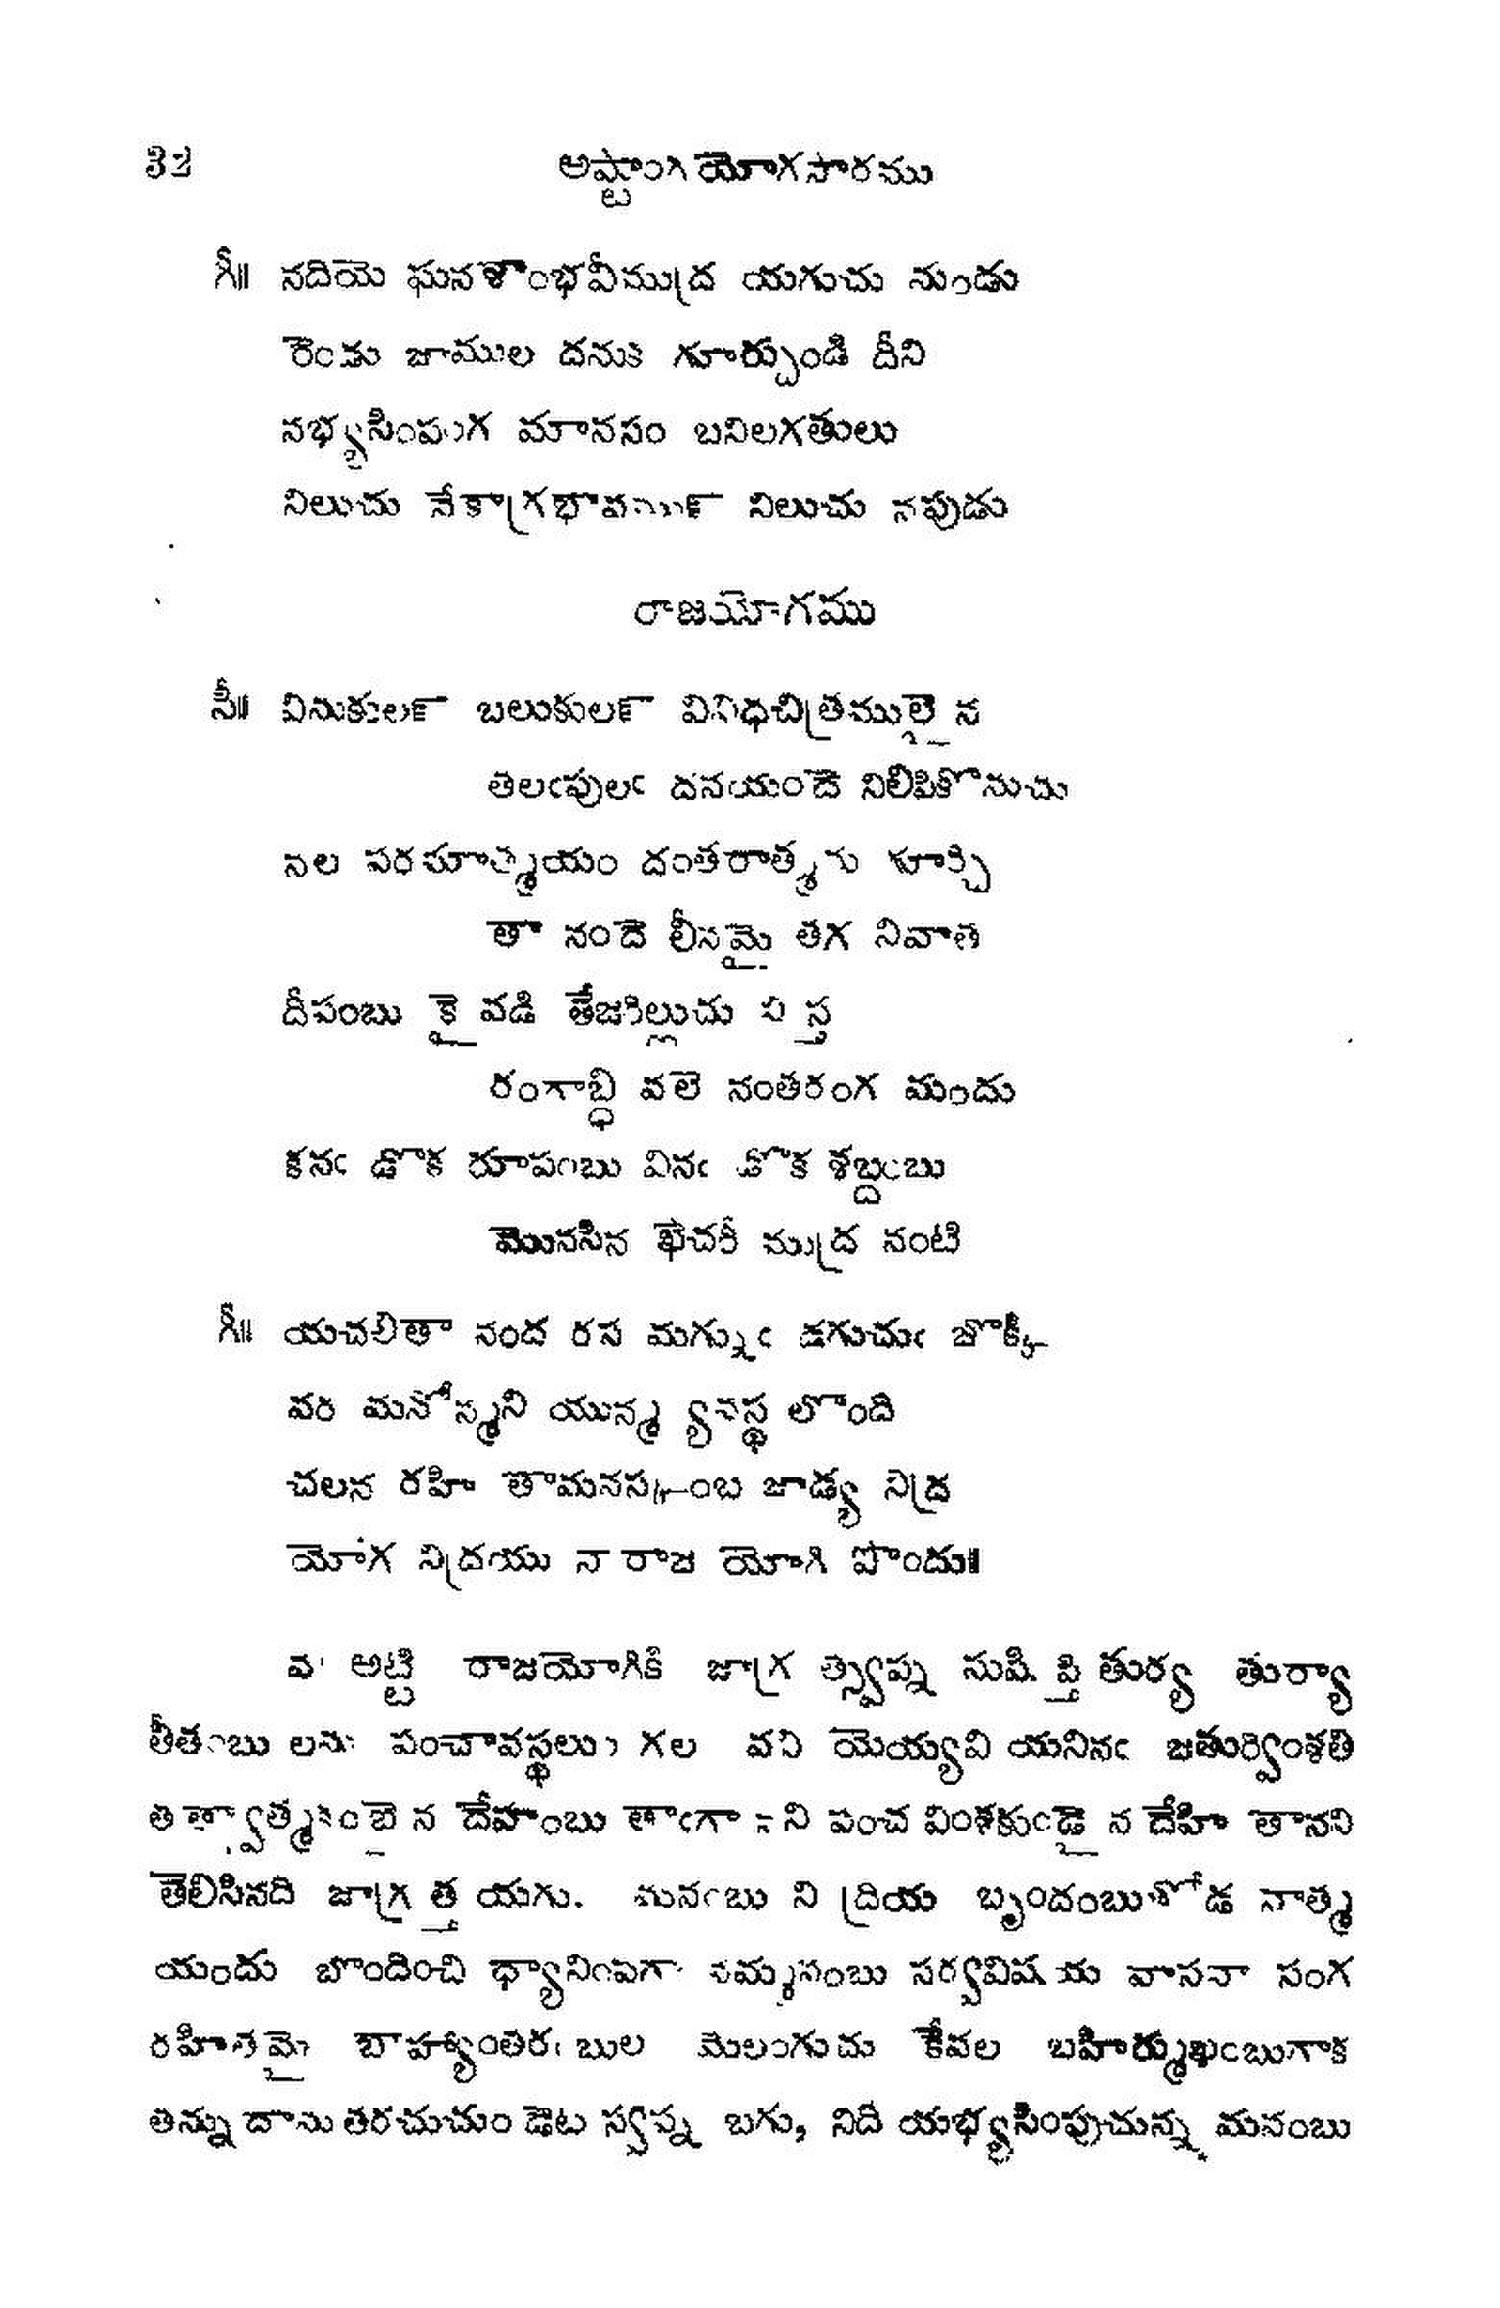గీ. నదియె ఘనశాంభవీముద్ర యగుచు నుండు
 రెండుజాముల దనుక గూర్చుండి దీని
 నభ్యసింపంగ మానసం బనిలగతులు
 నిలుచు నేకాగ్రభావమున్ నిలుచు నపుడు.

సీ. వినుకులన్ బలుకులన్ వివిధచిత్రములైన
 తలఁపులఁ దనయందె నిలిపికొనుచు
 నల పరమాత్మయం దంతరాత్మను గూర్చి
 తా నందే లీనమై తగ నివాత
 దీపంబు కైవడి తేజరిల్లుచు నిస్త
 రంగాబ్ధివలె నంతరంగమందు
 కనఁ డొకరూపంబు వినఁ డొకశబ్దంబు
 మొనసిన ఖేచరీముద్ర నంటి
గీ. యచలితానందరసమగ్నుఁ డగుచుఁ జొక్కి
 వరమనోన్మనీయున్మ్యవస్థ లొంది
 చలనరహితామనస్కంబజాడ్యనిద్ర
 యోగనిద్రయు నా రాజయోగి పొందు.
వ. అట్టి రాజయోగికి జాగ్ర త్స్వప్న సుషిప్తి తుర్య తుర్యాతీతంబు లను పంచావస్థలు గల వవి యెయ్యవి యనినఁ జతుర్వింశతితత్త్వాత్మకంబెన దేహంబు తాఁగానని పంచవింశకుండైన దేహి తానని తెలిసినది జాగ్రత్త యగు. మనంబు నింద్రియబృందంబుతోడ నాత్మయందు బొందించి ధ్యానింపగా నమ్మనంబు సర్వవిషయవాసనాసంగరహితమై బాహ్యాంతరంబుల మెలంగుచు కేవల బహిర్ముఖంబుగాక తన్ను దాను తరచుచుండుట స్వప్నం బగు, నిది యభ్యసింపుచున్న మనంబు